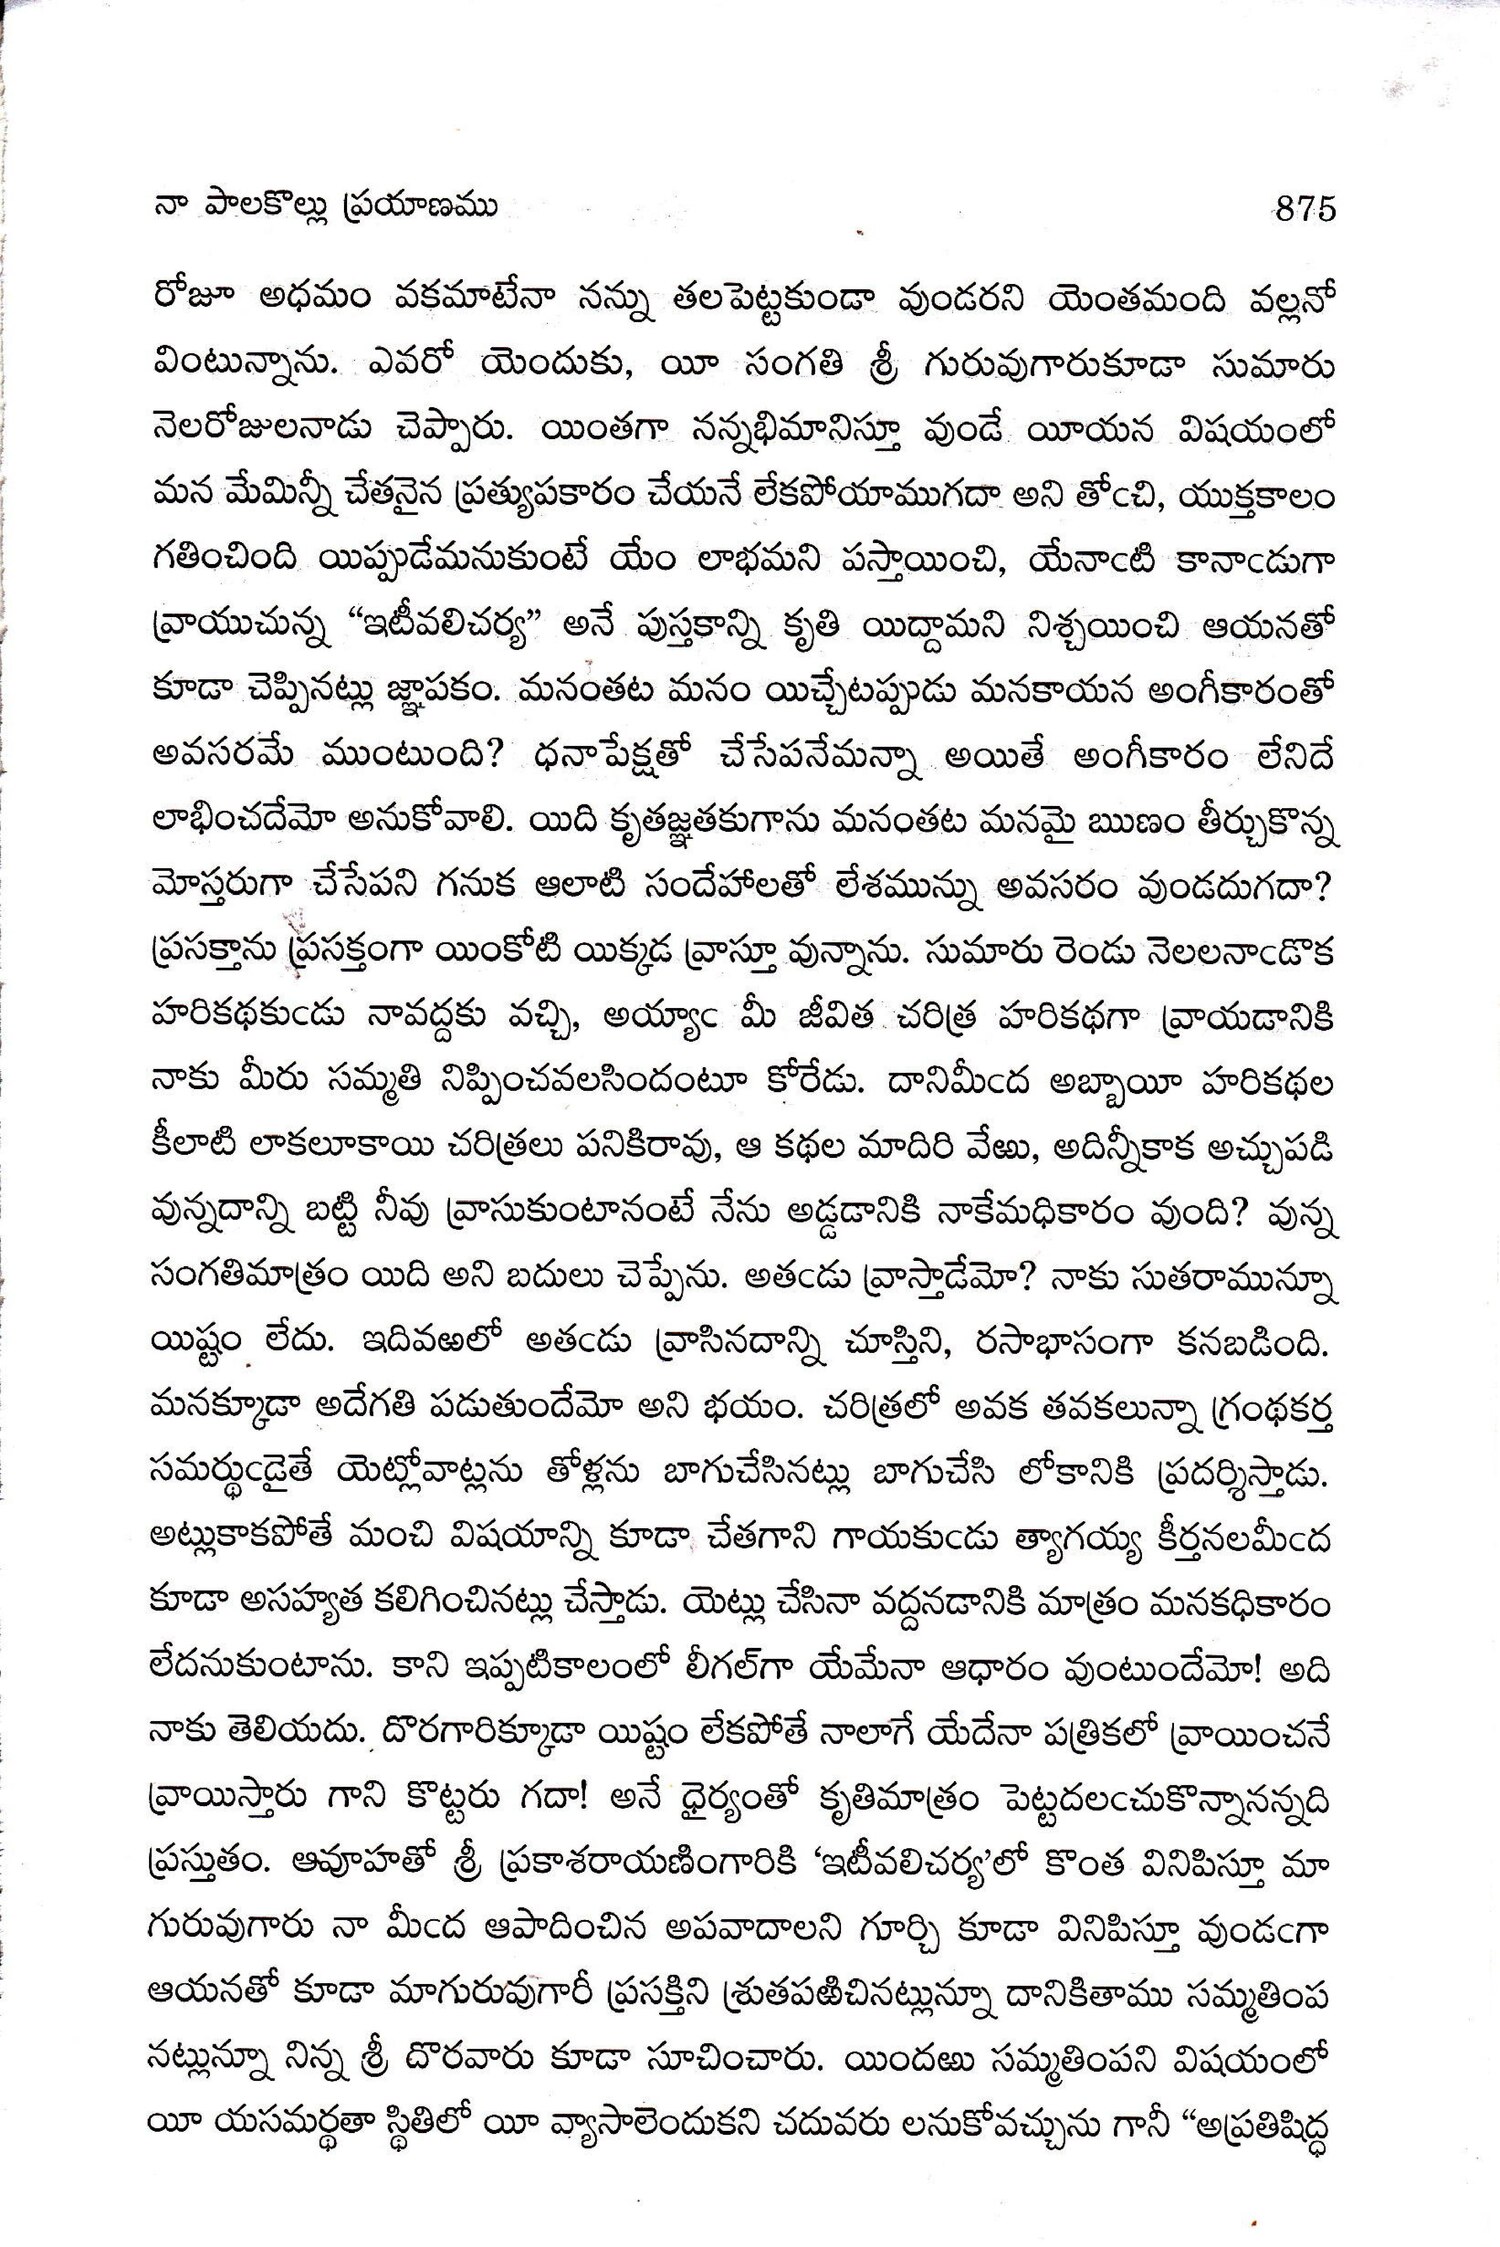రోజూ అధమం వకమాటేనా నన్ను తలపెట్టకుండా వుండరని యెంతమంది వల్లనో వింటున్నాను. ఎవరో యెందుకు, యీ సంగతి శ్రీ గురువుగారుకూడా సుమారు నెలరోజులనాడు చెప్పారు. యింతగా నన్నభిమానిస్తూ వుండే యీయన విషయంలో మన మేమిన్నీ చేతనైన ప్రత్యుపకారం చేయనే లేకపోయాముగదా అని తోఁచి, యుక్తకాలం గతించింది యిప్పుడేమనుకుంటే యేం లాభమని పస్తాయించి, యేనాఁటి కానాఁడుగా వ్రాయుచున్న “ఇటీవలిచర్య" అనే పుస్తకాన్ని కృతి యిద్దామని నిశ్చయించి ఆయనతో కూడా చెప్పినట్లు జ్ఞాపకం. మనంతట మనం యిచ్చేటప్పుడు మనకాయన అంగీకారంతో అవసరమే ముంటుంది? ధనాపేక్షతో చేసేపనేమన్నా అయితే అంగీకారం లేనిదే లాభించదేమో అనుకోవాలి. యిది కృతజ్ఞతకుగాను మనంతట మనమై ఋణం తీర్చుకొన్న మోస్తరుగా చేసేపని గనుక ఆలాటి సందేహాలతో లేశమున్ను అవసరం వుండదుగదా? ప్రసక్తాను ప్రసక్తంగా యింకోటి యిక్కడ వ్రాస్తూ వున్నాను. సుమారు రెండు నెలలనాఁడొక హరికథకుఁడు నావద్దకు వచ్చి, అయ్యాఁ మీ జీవిత చరిత్ర హరికథగా వ్రాయడానికి నాకు మీరు సమ్మతి నిప్పించవలసిందంటూ కోరేడు. దానిమీఁద అబ్బాయీ హరికథల కీలాటి లాకలూకాయి చరిత్రలు పనికిరావు, ఆ కథల మాదిరి వేఱు, అదిన్నీకాక అచ్చుపడి వున్నదాన్ని బట్టి నీవు వ్రాసుకుంటానంటే నేను అడ్డడానికి నాకేమధికారం వుంది? వున్న సంగతిమాత్రం యిది అని బదులు చెప్పేను. అతఁడు వ్రాస్తాడేమో? నాకు సుతరామున్నూ యిష్టం లేదు. ఇదివఱలో అతఁడు వ్రాసినదాన్ని చూస్తిని, రసాభాసంగా కనబడింది. మనక్కూడా అదేగతి పడుతుందేమో అని భయం. చరిత్రలో అవక తవకలున్నా గ్రంథకర్త సమర్థుఁడైతే యెట్లోవాట్లను తోళ్లను బాగుచేసినట్లు బాగుచేసి లోకానికి ప్రదర్శిస్తాడు. అట్లుకాకపోతే మంచి విషయాన్ని కూడా చేతగాని గాయకుఁడు త్యాగయ్య కీర్తనలమీఁద కూడా అసహ్యత కలిగించినట్లు చేస్తాడు. యెట్లు చేసినా వద్దనడానికి మాత్రం మనకధికారం లేదనుకుంటాను. కాని ఇప్పటికాలంలో లీగల్‌గా యేమేనా ఆధారం వుంటుందేమో! అది నాకు తెలియదు. దొరగారిక్కూడా యిష్టం లేకపోతే నాలాగే యేదేనా పత్రికలో వ్రాయించనే వ్రాయిస్తారు గాని కొట్టరు గదా! అనే ధైర్యంతో కృతిమాత్రం పెట్టదలంచుకొన్నానన్నది ప్రస్తుతం. ఆవూహతో శ్రీ ప్రకాశరాయణింగారికి 'ఇటీవలిచర్య'లో కొంత వినిపిస్తూ మా గురువుగారు నా మీఁద ఆపాదించిన అపవాదాలని గూర్చి కూడా వినిపిస్తూ వుండఁగా ఆయనతో కూడా మాగురువుగారీ ప్రసక్తిని శ్రుతపఱిచినట్లున్నూ దానికితాము సమ్మతింప నట్లున్నూ నిన్న శ్రీ దొరవారు కూడా సూచించారు. యిందఱు సమ్మతింపని విషయంలో యీ యసమర్థతా స్థితిలో యీ వ్యాసాలెందుకని చదువరు లనుకోవచ్చును గానీ "అప్రతిషిద్ధ